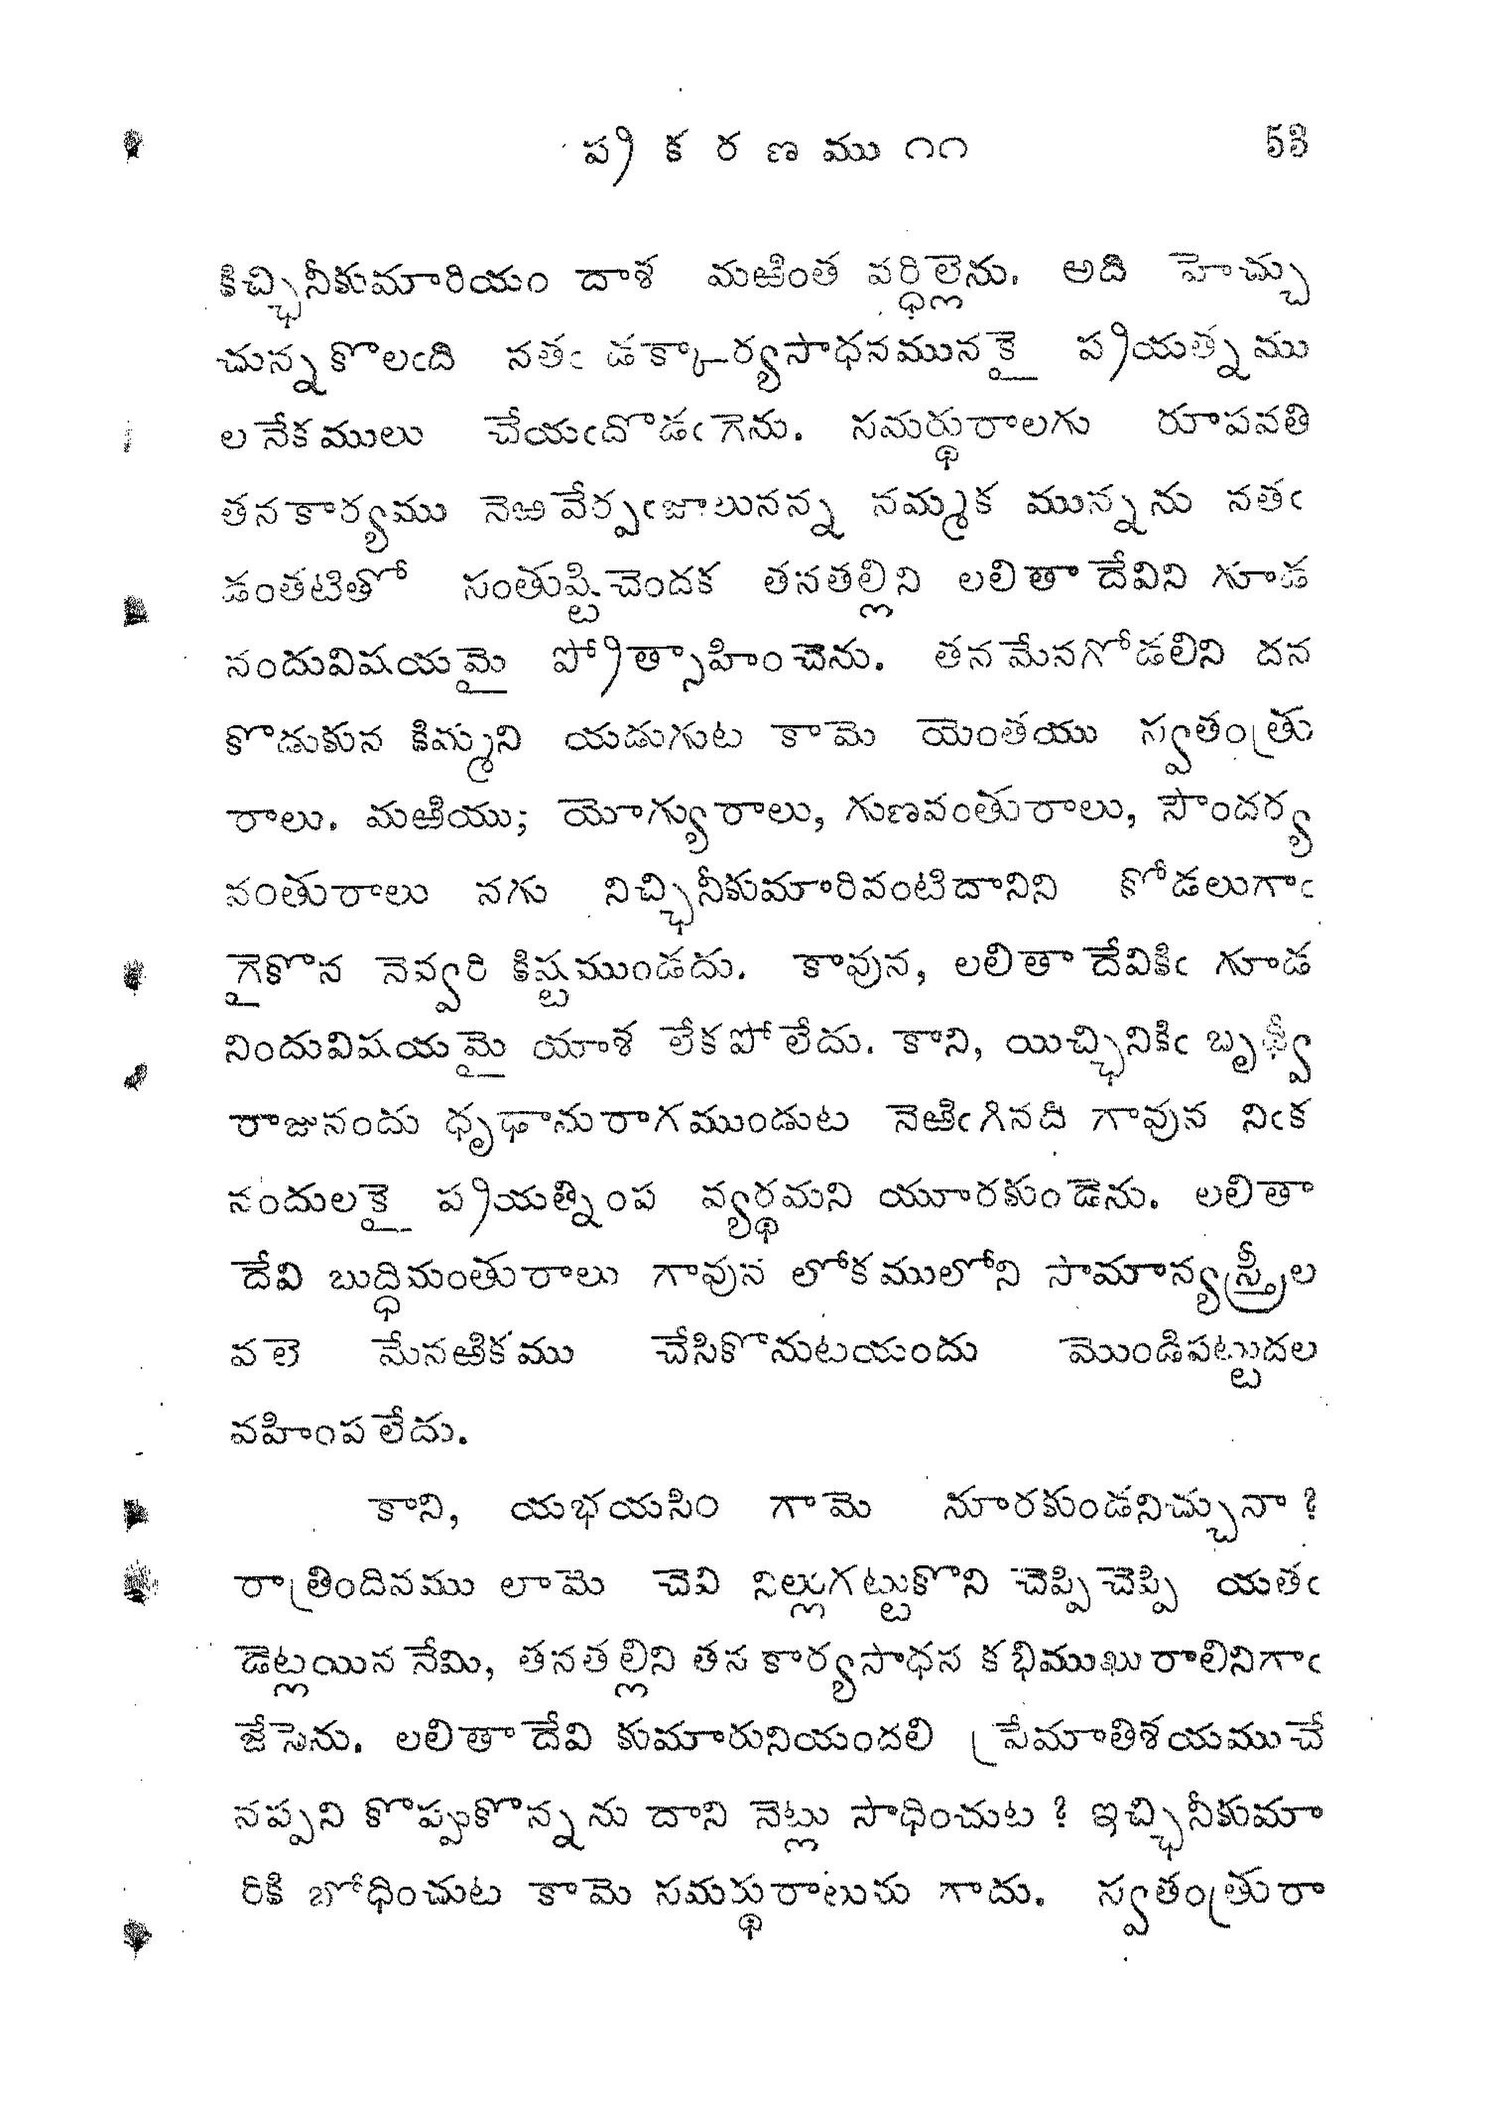కిచ్ఛినీకుమారియం దాశ మఠంత పర్ధిల్లెను. అది హెచ్చుచున్న కొలంది. నతడక్కార్యసాధనమున కై ప్రయత్నముల నేకములు చేయఁదొడఁగెను. సనుర్థు రాలగు రూపవతి తన కార్యము నెఱ వేర్పఁజాలునన్న నమ్మక మున్నను నతఁకంతటితో సంతుష్టి. చెందక తనతల్లిని లలితా దేవిని గూడ
నందువిషయమై ప్రోత్సాహించెను. తన మేనగోడలిని దన కొడుకున కిమ్మని యడుగుట కామె యెంతయు స్వతంత్రురాలు. మఱియు; యోగ్యురాలు, గుణవంతురాలు, సౌందర్య
వంతురాలు నగు నిచ్ఛినీకుమా రివంటి దానిని కోడలుగాఁగైకొన నెవ్వరి కిష్టముండదు. కావున, లలితా దేవికిఁ గూడ నిందువిషయమై యాశ లేక పో లేదు.కాని, యిచ్ఛినికిఁ బృద్వీ రాజునందు ధృథాను రాగముండుట నెఱిఁగినది గావున నిఁకనందులకై ప్రయత్నింప వ్యర్థమని యూరకుం డెను. లలితా దేవి బుద్ధిమంతురాలు గావున లోకములోని సామాన్య స్త్రీలమేనతీకము చేసికొనుటయందు మొండి పట్టుదల వహింప లేదు.

కానీ, యభయసిం నూరకుండనిచ్చునా ? రాత్రిందినము లామె చెవి నిల్లుగట్టుకొని చెప్పి చెప్పి యతఁ డెట్లయిన నేమి, తనతల్లిని తన కార్యసాధన కభిముఖు రాలినిగాఁజేసెను. లలి తా దేవి కుమారునియందలి ప్రేమాతిశయము చేనప్పని కొప్పుకొన్నను దాని నెట్లు సాధించుట ? ఇచ్ఛినీకుమారికి బోధించుట కామె సమర్థురాలును గాదు. స్వతంత్రురా